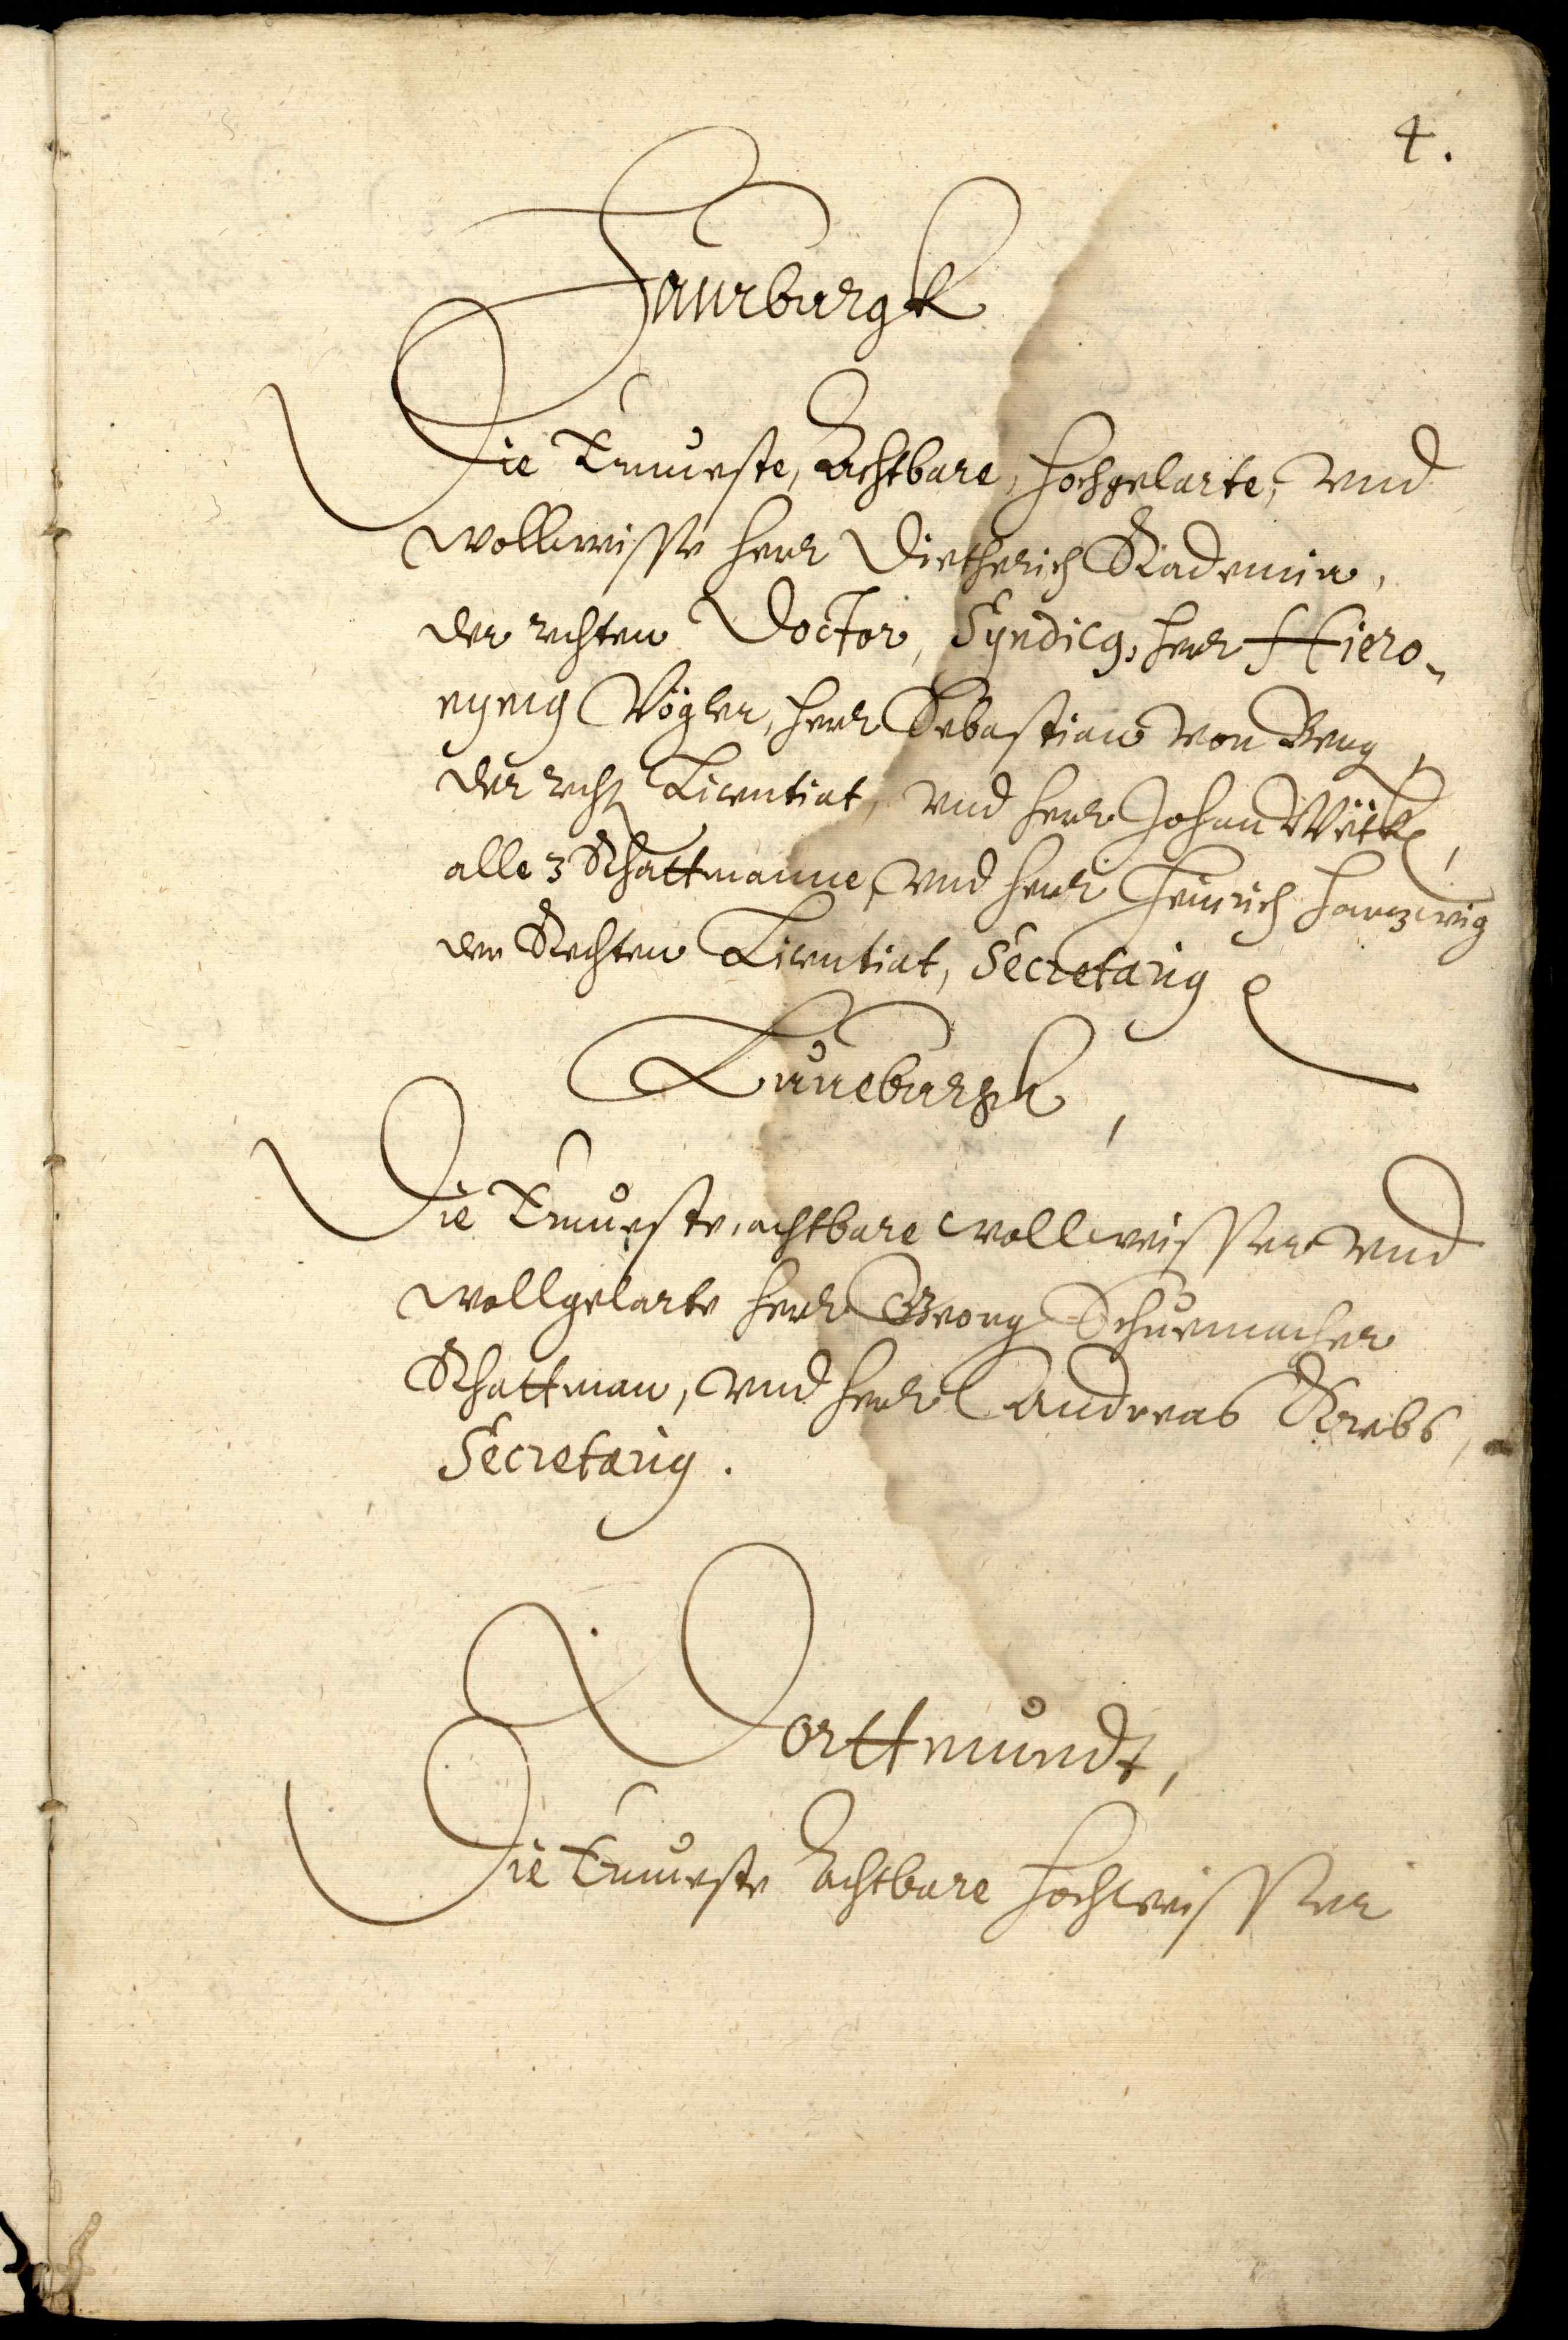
4.
Hamburgk
Die Ernueste, Achtbare, Hochgelarte vnd
wollweisse herr Dietherich Rademin,
der rechten Doctor, Syndicus, herr Hiero¬
nymus Vögler, herr Sebastian von Brugen
der rechten Licentiat vnd Herr Johan Wütken,
alle 3 Rhattmanne, vnd herr Heinrich Harzewig
der Rechten Licentiat, Secretarius p
Luneburgk,
Die Ernueste, achtbare wollweisser vnd
wollgelarte herr Georg Schurmacher
Rhattman, vnd herr Andreas Krabs
Secretarius.
Dorttmundt,
Die Ernueste Achtbare Hochweisser
